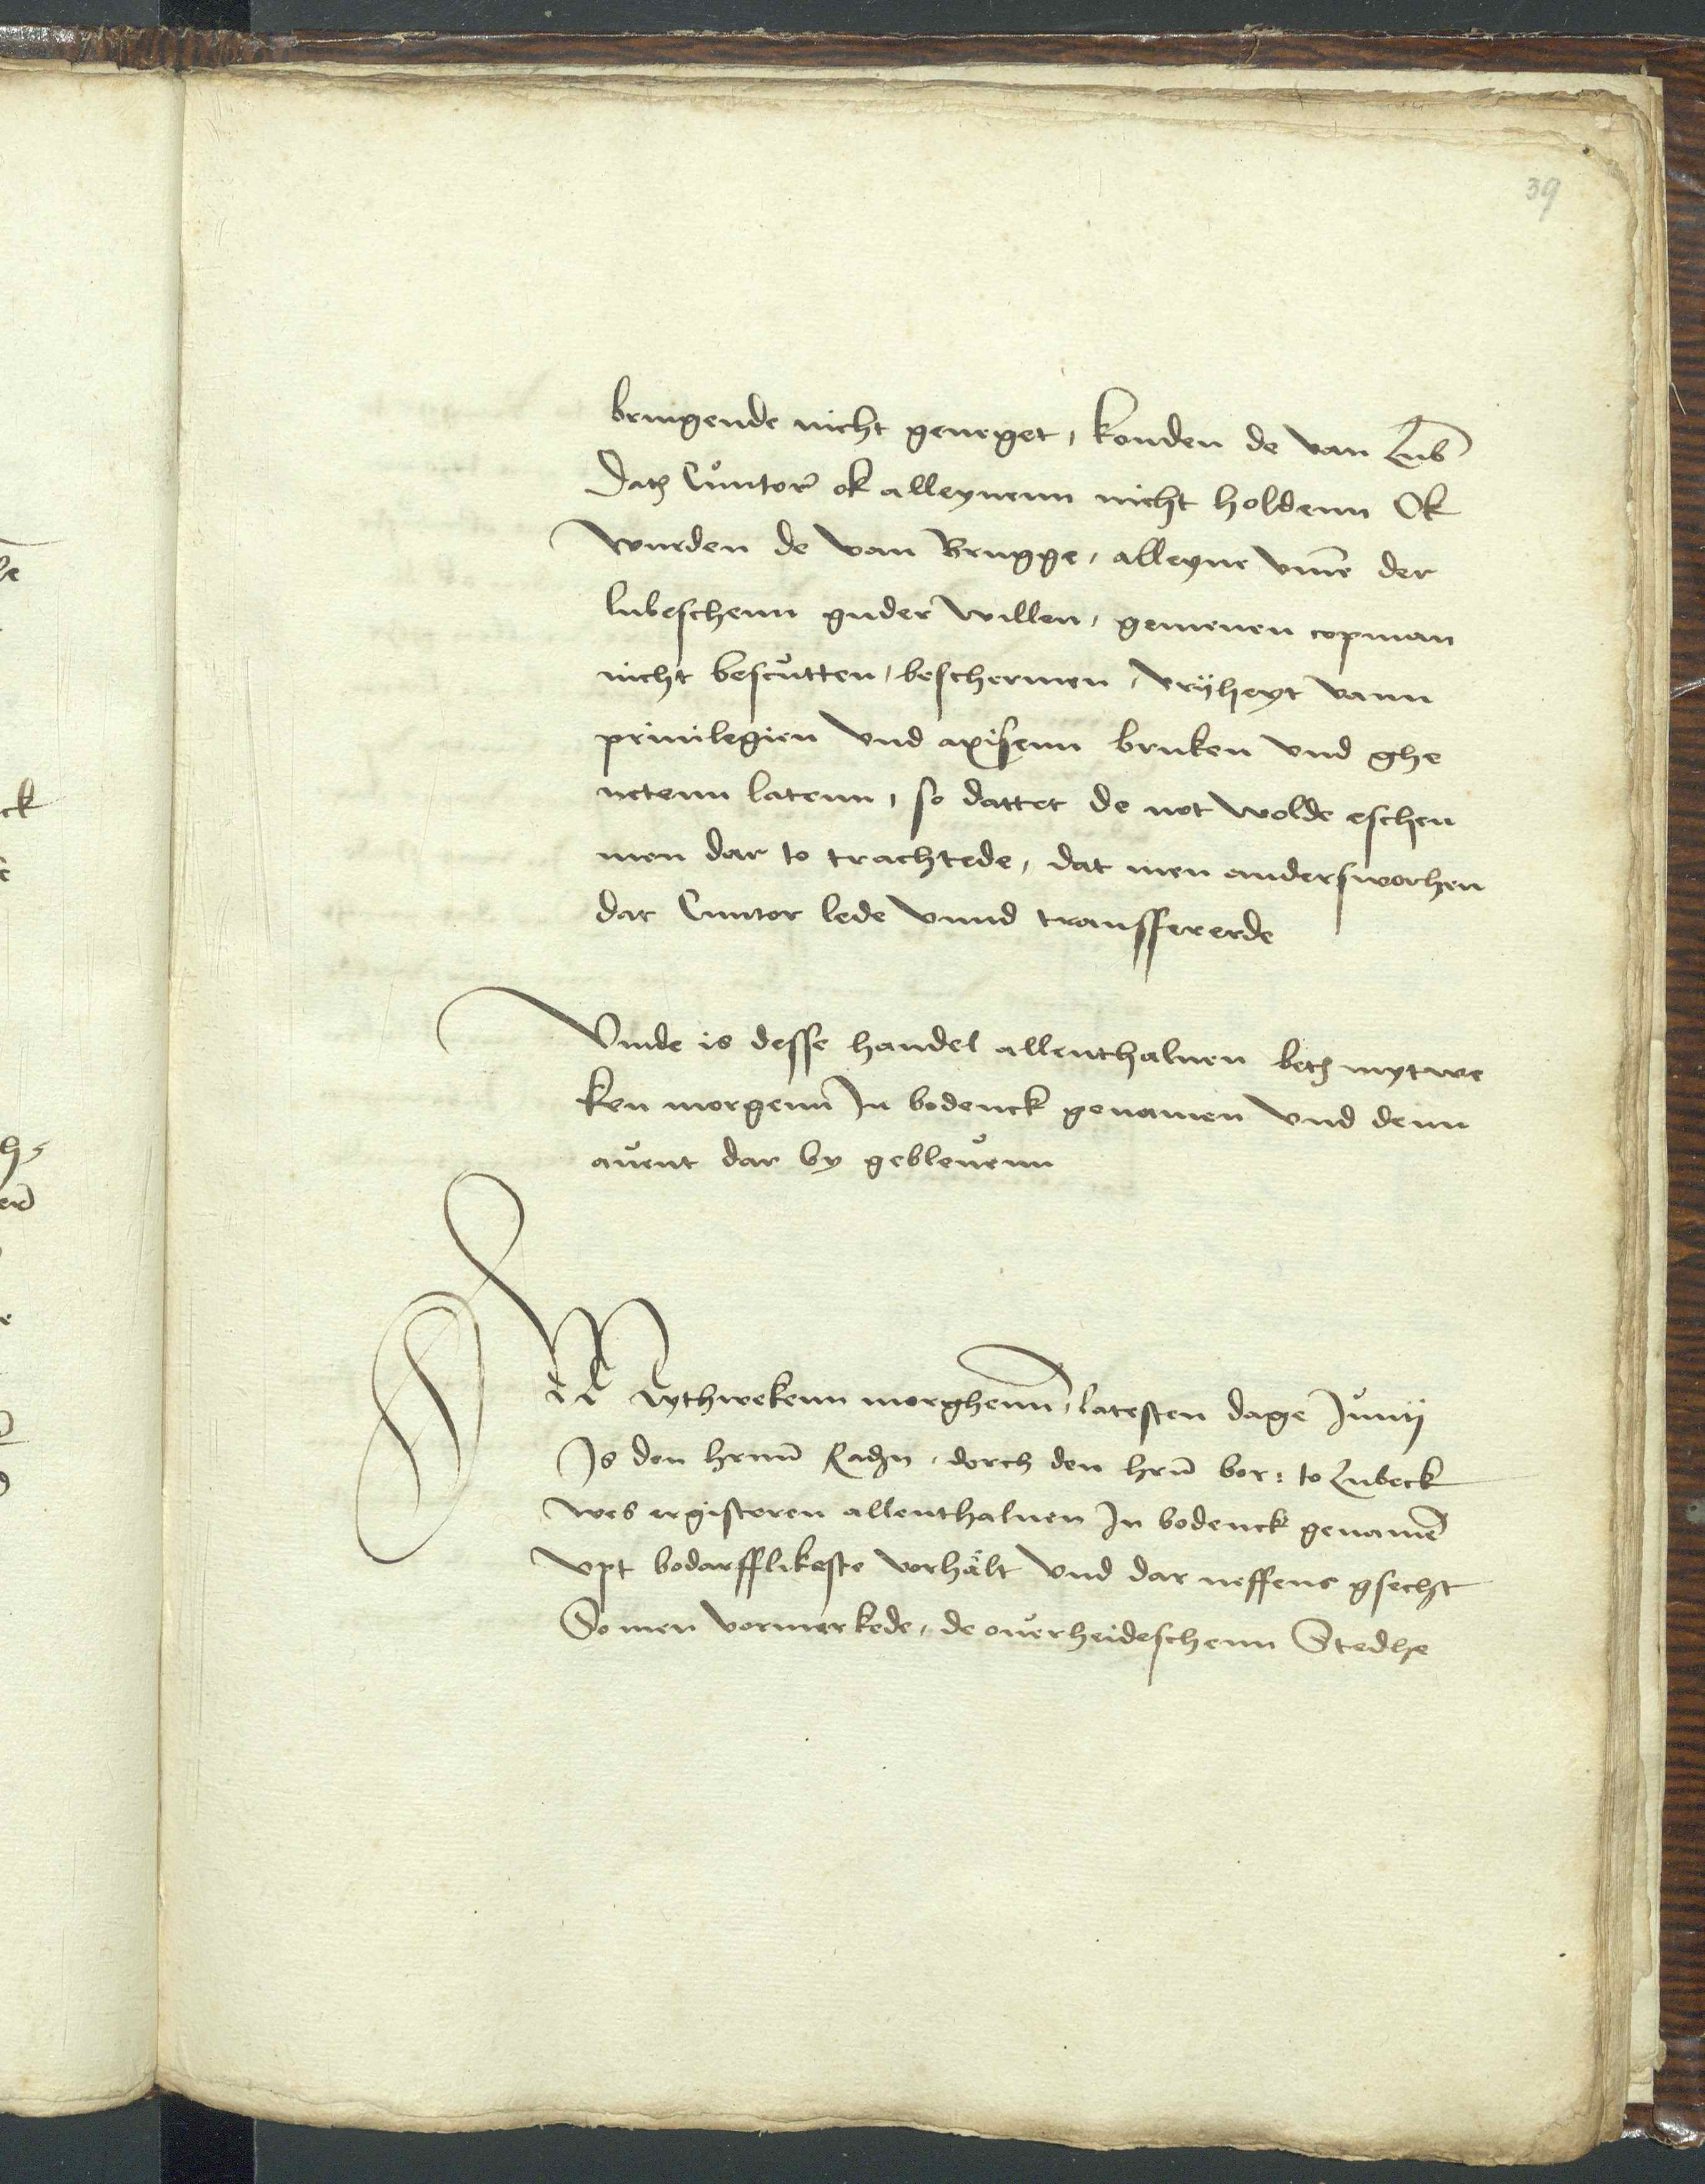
bringende nicht geneget, konden de van Lubeck
Dath Cuntor ok alleynenn nicht holdenn Ok
wurden de van Brugge, alleyne vmme der
lubeschenn guder willen, gemenen copman
nicht bescutten, beschermen, vrijheyt vann
priuilegien vnd axisenn bruken vnd ghe¬
netenn latenn, so dattet de not wolde eschen
men dar to trachtede, dat men andersworhen
dat Cuntor lede vnnd transfererde
Vnde is desse handel allenthaluen beth mytwe¬
ken morgenn Jn bodenck genamen vnd denn
auent dar by gebleuen
Mytwekenn morghenn, latesten dage Junij
Js den hernn Radessedebaden dorch den hern bor: to lubeck
wes ergisteren allenthaluen Jn bodenck genamen
vpt bedarfflikeste vorhalt vnd neffens gsecht
So men vormerkede, de ouerheideschenn Steder
